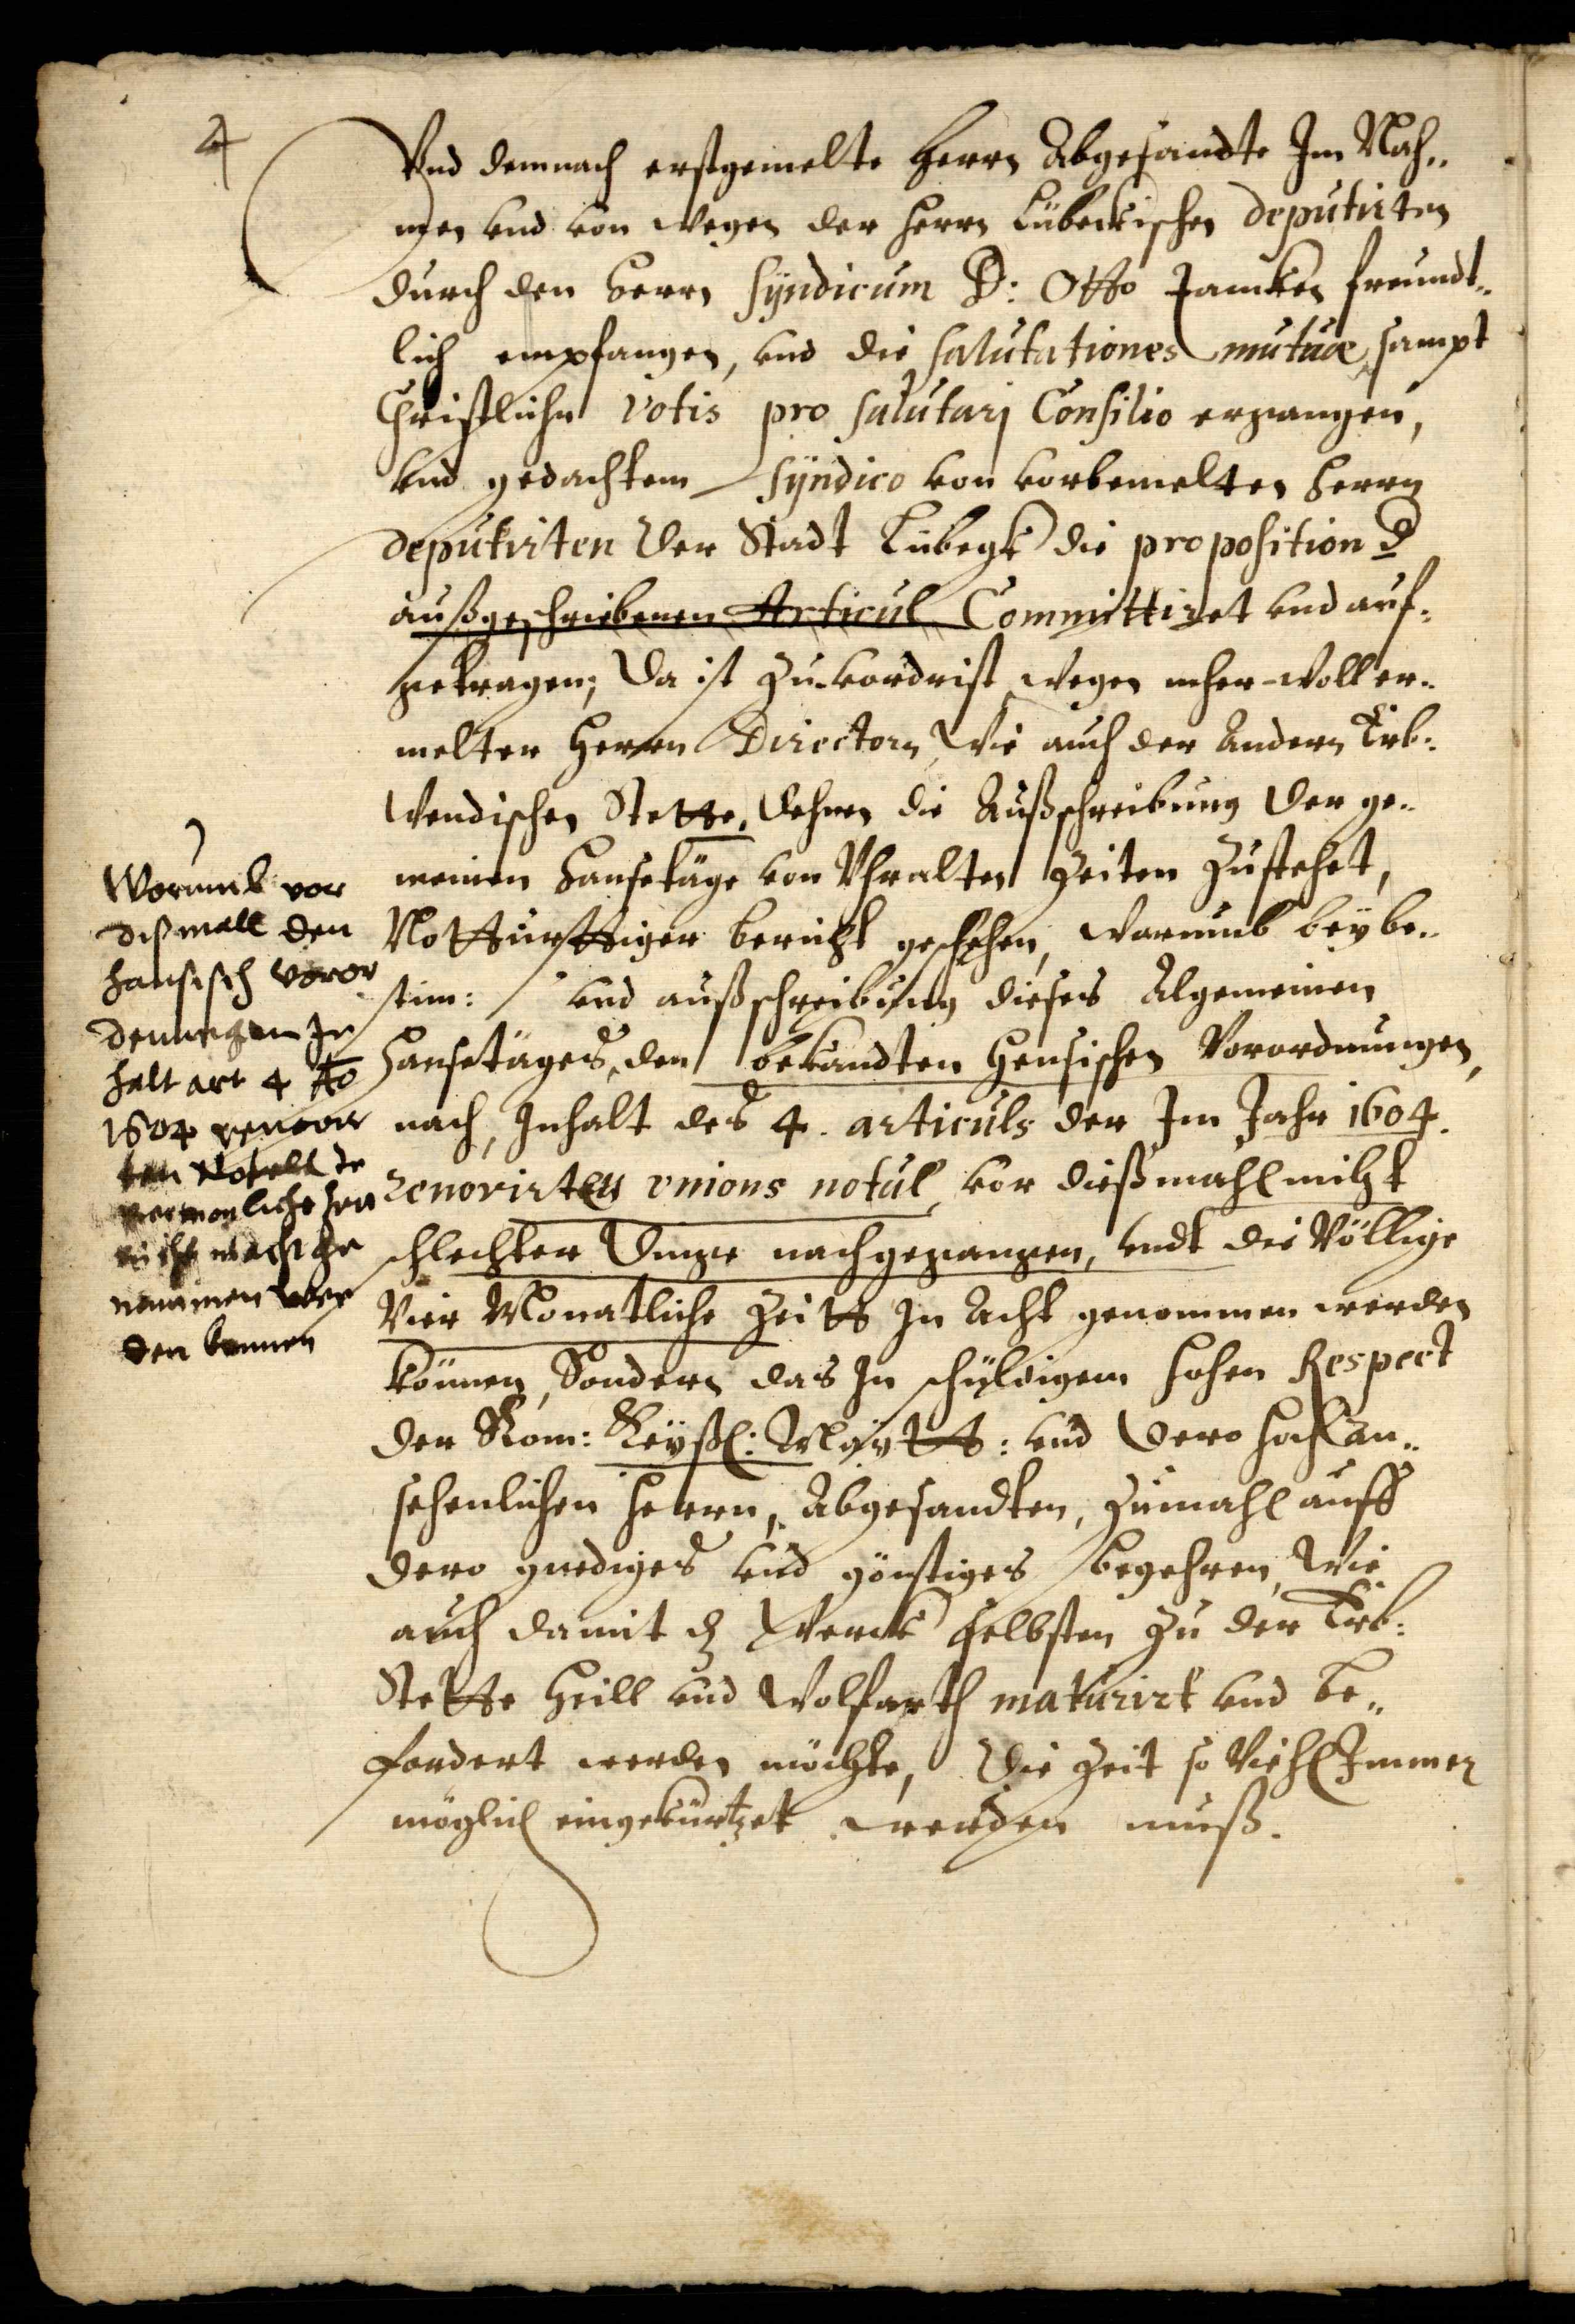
4
Worumb vor
dißmall den
hansisch voror
denneten In
halt art 4 Aō
1604 ernear
ten Notull In
vermanliche hin
zu itz in acht ge
nommnen wer
den konnen
Vnd demnach erstgemelte Herrn Abgesandte Im Nah¬
men vnd von wegen der herrn Lübeckischen deputirten
durch den herrn Syndicum D: Otto Jamken freundt¬
lich empfangen, vnd die Salutationes mutuae sampt
Christliche Votis pro Salutari Consilio ergangen,
vnd gedachtem Sijndico von vorbemelten herrn
deputirten der Stadt Lübegk die proposition den
außgeschriebenen Articul Committiret vnd auf¬
getragen; Da ist zuvordrist wegen mher-woller¬
melter herrn Directorn, wie auch der andern Erb:
wendischen Stette, dehnen die Außschreibung der ge¬
meinen Hansetäge von Vhralten zeiten zustehet,
Notturfttiger bericht geschehen, warumb beij be¬
stim: vnd außschreibung dieses Algemeinen
Hansetäges, den bekandten hensischen vorordnungen,
nach, Inhalt des 4. articuls der Im Iahr 1604.
renovirten unions notul, vor dießmahl miht
schlechter Dinge nachgegangen, vndt die völlige
vier Monatliche zeitt in acht genommen werden
können, Sondern das in schüldigem hohen Respect
der Rom: Keijßl: Maijtt: vnd dero hochan¬
sehenlichen herrn, Abgesandten, zumahl auff
dero gnediges und gönstiges begehren, Wie
auch damit den Werck selbsten zu der Erb:
Stette Heill und Wolfarth maturirt vnd be¬
fordert werden möchte, Die Zeit so Viehl Immer
möglich eingekürtzet werden muß.
